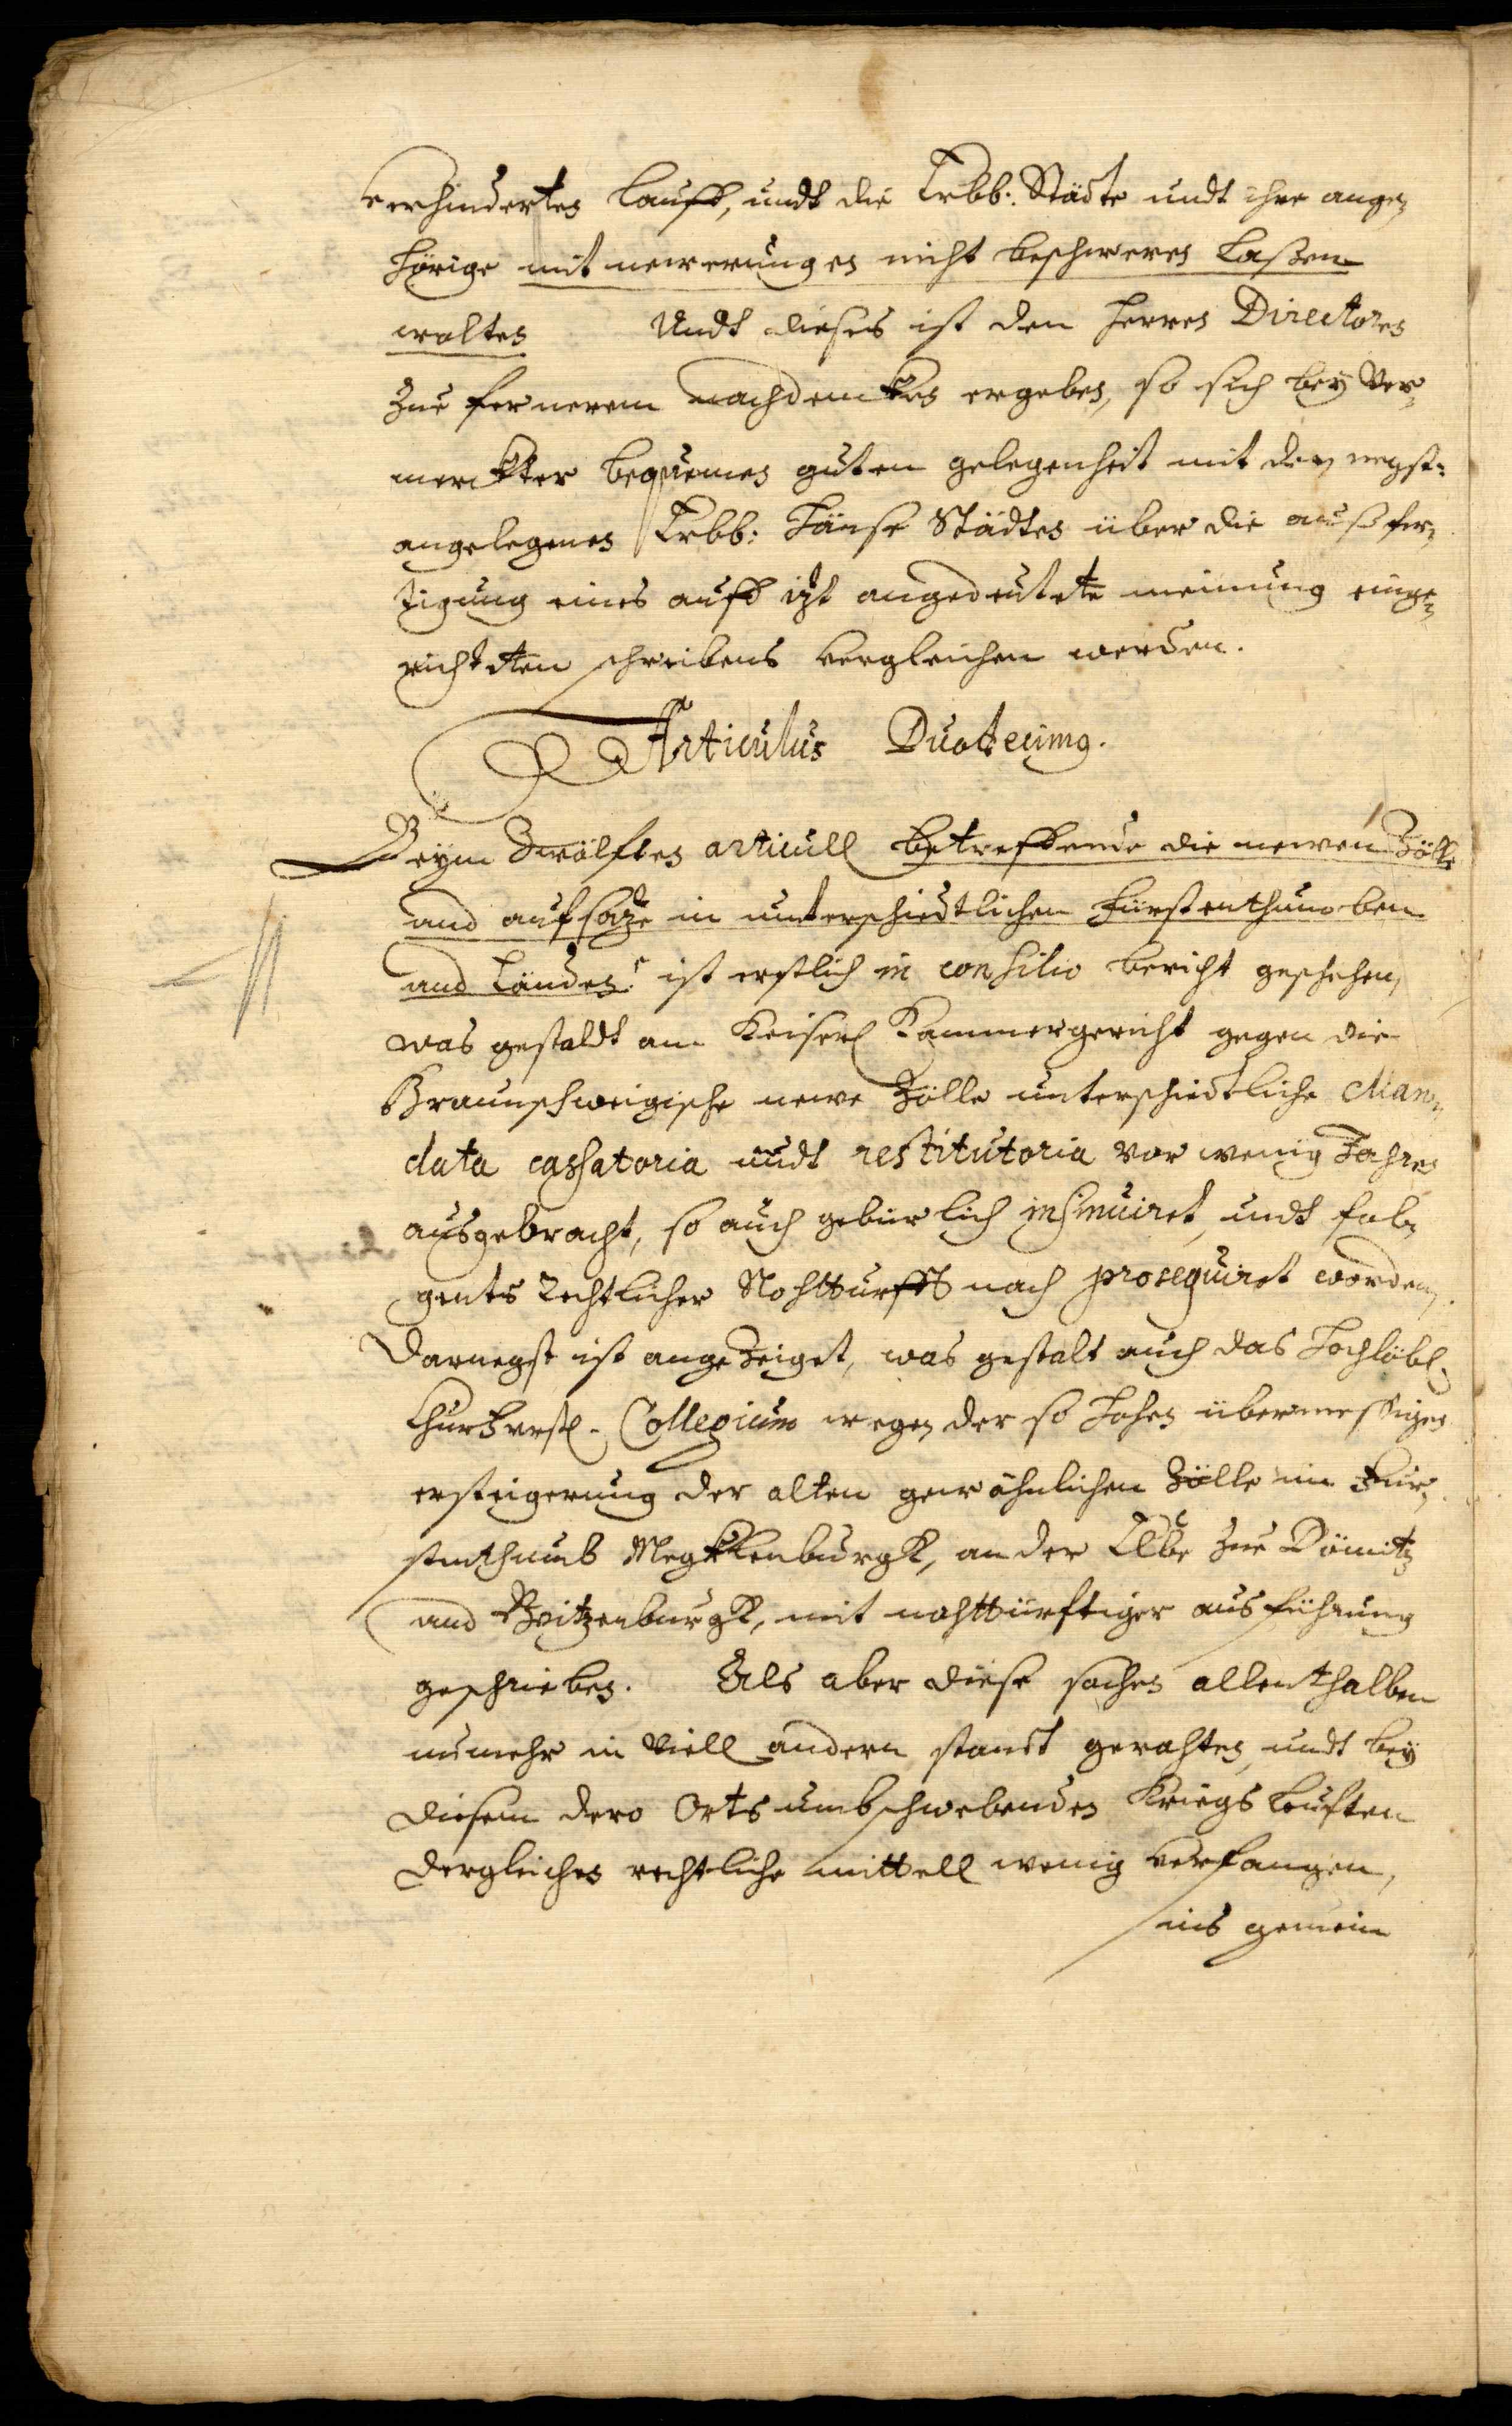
verhinderten lauff, undt die Erbb: Städte undt ihre ange¬
hörige mit newerungen nicht beschweren laßen
wolten. Undt dieses ist den herren Directoren
zue fernerem nachdencken ergeben, so sich beij ver¬
merckter bequemen guten gelegenheit mit den negst¬
angelegenen Erbb: hänse Städten über die außfer¬
tigung eines auff itzt angedeutete meinung einge¬
richteten schreibens vergleichen werden.
Articulus Duodecimq.
Beijm Zwölften articull betreffende die newen Zölle
und aufsatze in unterschiedtlichen fürstenthumben
und Länden ist erstlich in consilio bericht geschehen,
was gestaldt am Keiserl. Kammergericht gegen die
Braunschweigische newe Zölle unterschiedtliche Man¬
data cassatoria undt restitutoria vor wenig Jahren
ausgebracht, so auch gebürlich insinuiret, undt fol¬
gents Rechtlicher Nohtturfft nach prosequiret worden,
darnegst ist angezeiget, was gestalt auch das hochlöbl.
Churfurstl. Collegium wegen der so hohen übermessigen
ersteigerung der alten gewöhnlichen Zölle im Fur¬
stenthumb Megklenburgk, an der Elbe zue Dömitz
und Boitzenburgk, mit nohttürftiger ausführung
geschrieben. Als aber diese sachen allenthalben
numehr in viell andern standt gerahten, undt beij
diesem dero Orts umbschwebenden Kriegs Leuften
dergleichen rechtliche mittell wenig verfangen,
ins gemein
